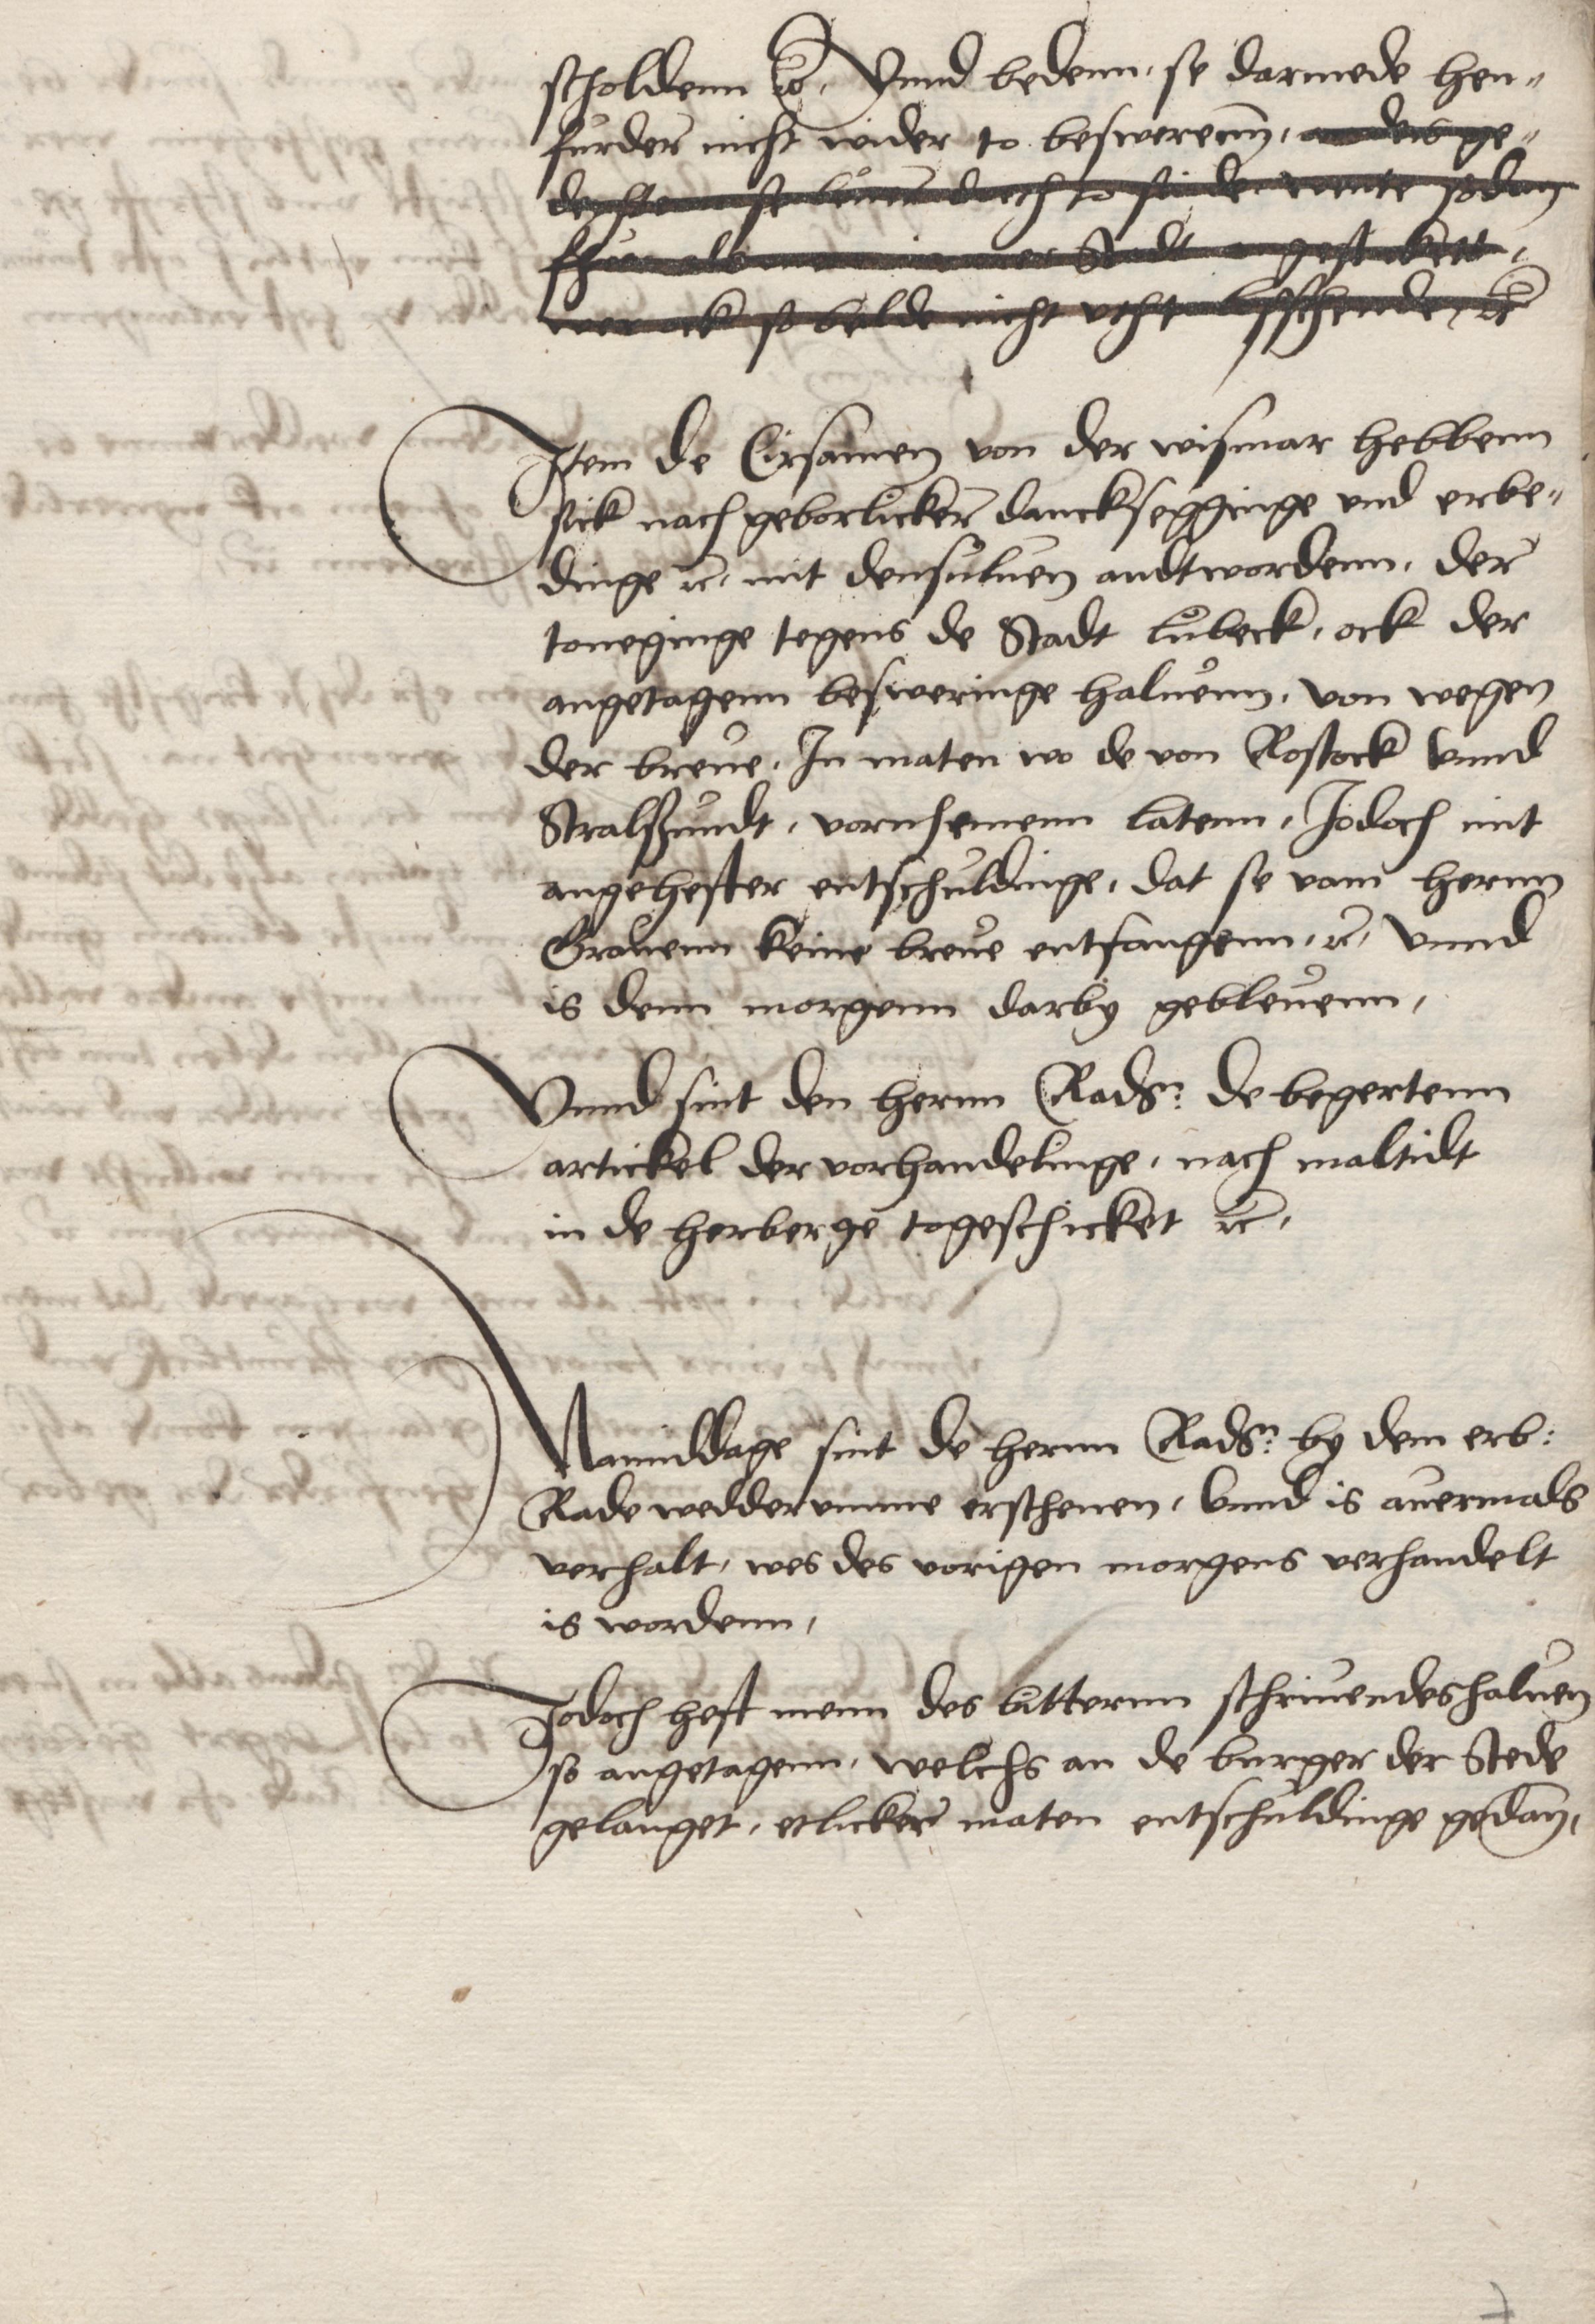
scholden etc, Vnnd bedenn, se darmede hen¬
furder nicht wider to beswerenn, anders ge¬
deysemisse beuel doch to sinde wente sodan
schemelemeinen orer Stadt angestickett,
wer ock so balde nicht vthtobesschreide, etc.
Item de Ersamen von der wismar hebbenn
sick nach geborlicker danksegginge vnd erbe¬
dinge etc, mit densuluen andtwordenn, der
toneginge tegens de Stadt Lubeck, ock der
angetagenn besweringe haluenn, von wegen
der breue, in maten wo de von Rostock vnnd
Stralsundt, vornhemen latenn, Jodoch mit
angehefter entschuldinge, dat se vom herrn
Grauenn keine breue entfangenn, etc, vnnd
is denn morgenn darby gebleuenn,
Vnnd sint den hernn Radessendeboden de begertenn
artickel der vorhandelinge, nach maltidt
in de herberge togeschicket etc,
Namiddage sint de hernn Radessendeboden by dem erb:
Rade weddervmme erschenen, vnnd is auermals
verhalt, wes des vorigen morgens verhandelt
is wordenn,
Jodoch heft menn des litternn schriuendeshaluen
so angetagenn, welchs an de burger der Stede
gelanget, etlicker maten entschuldinge gedan,
